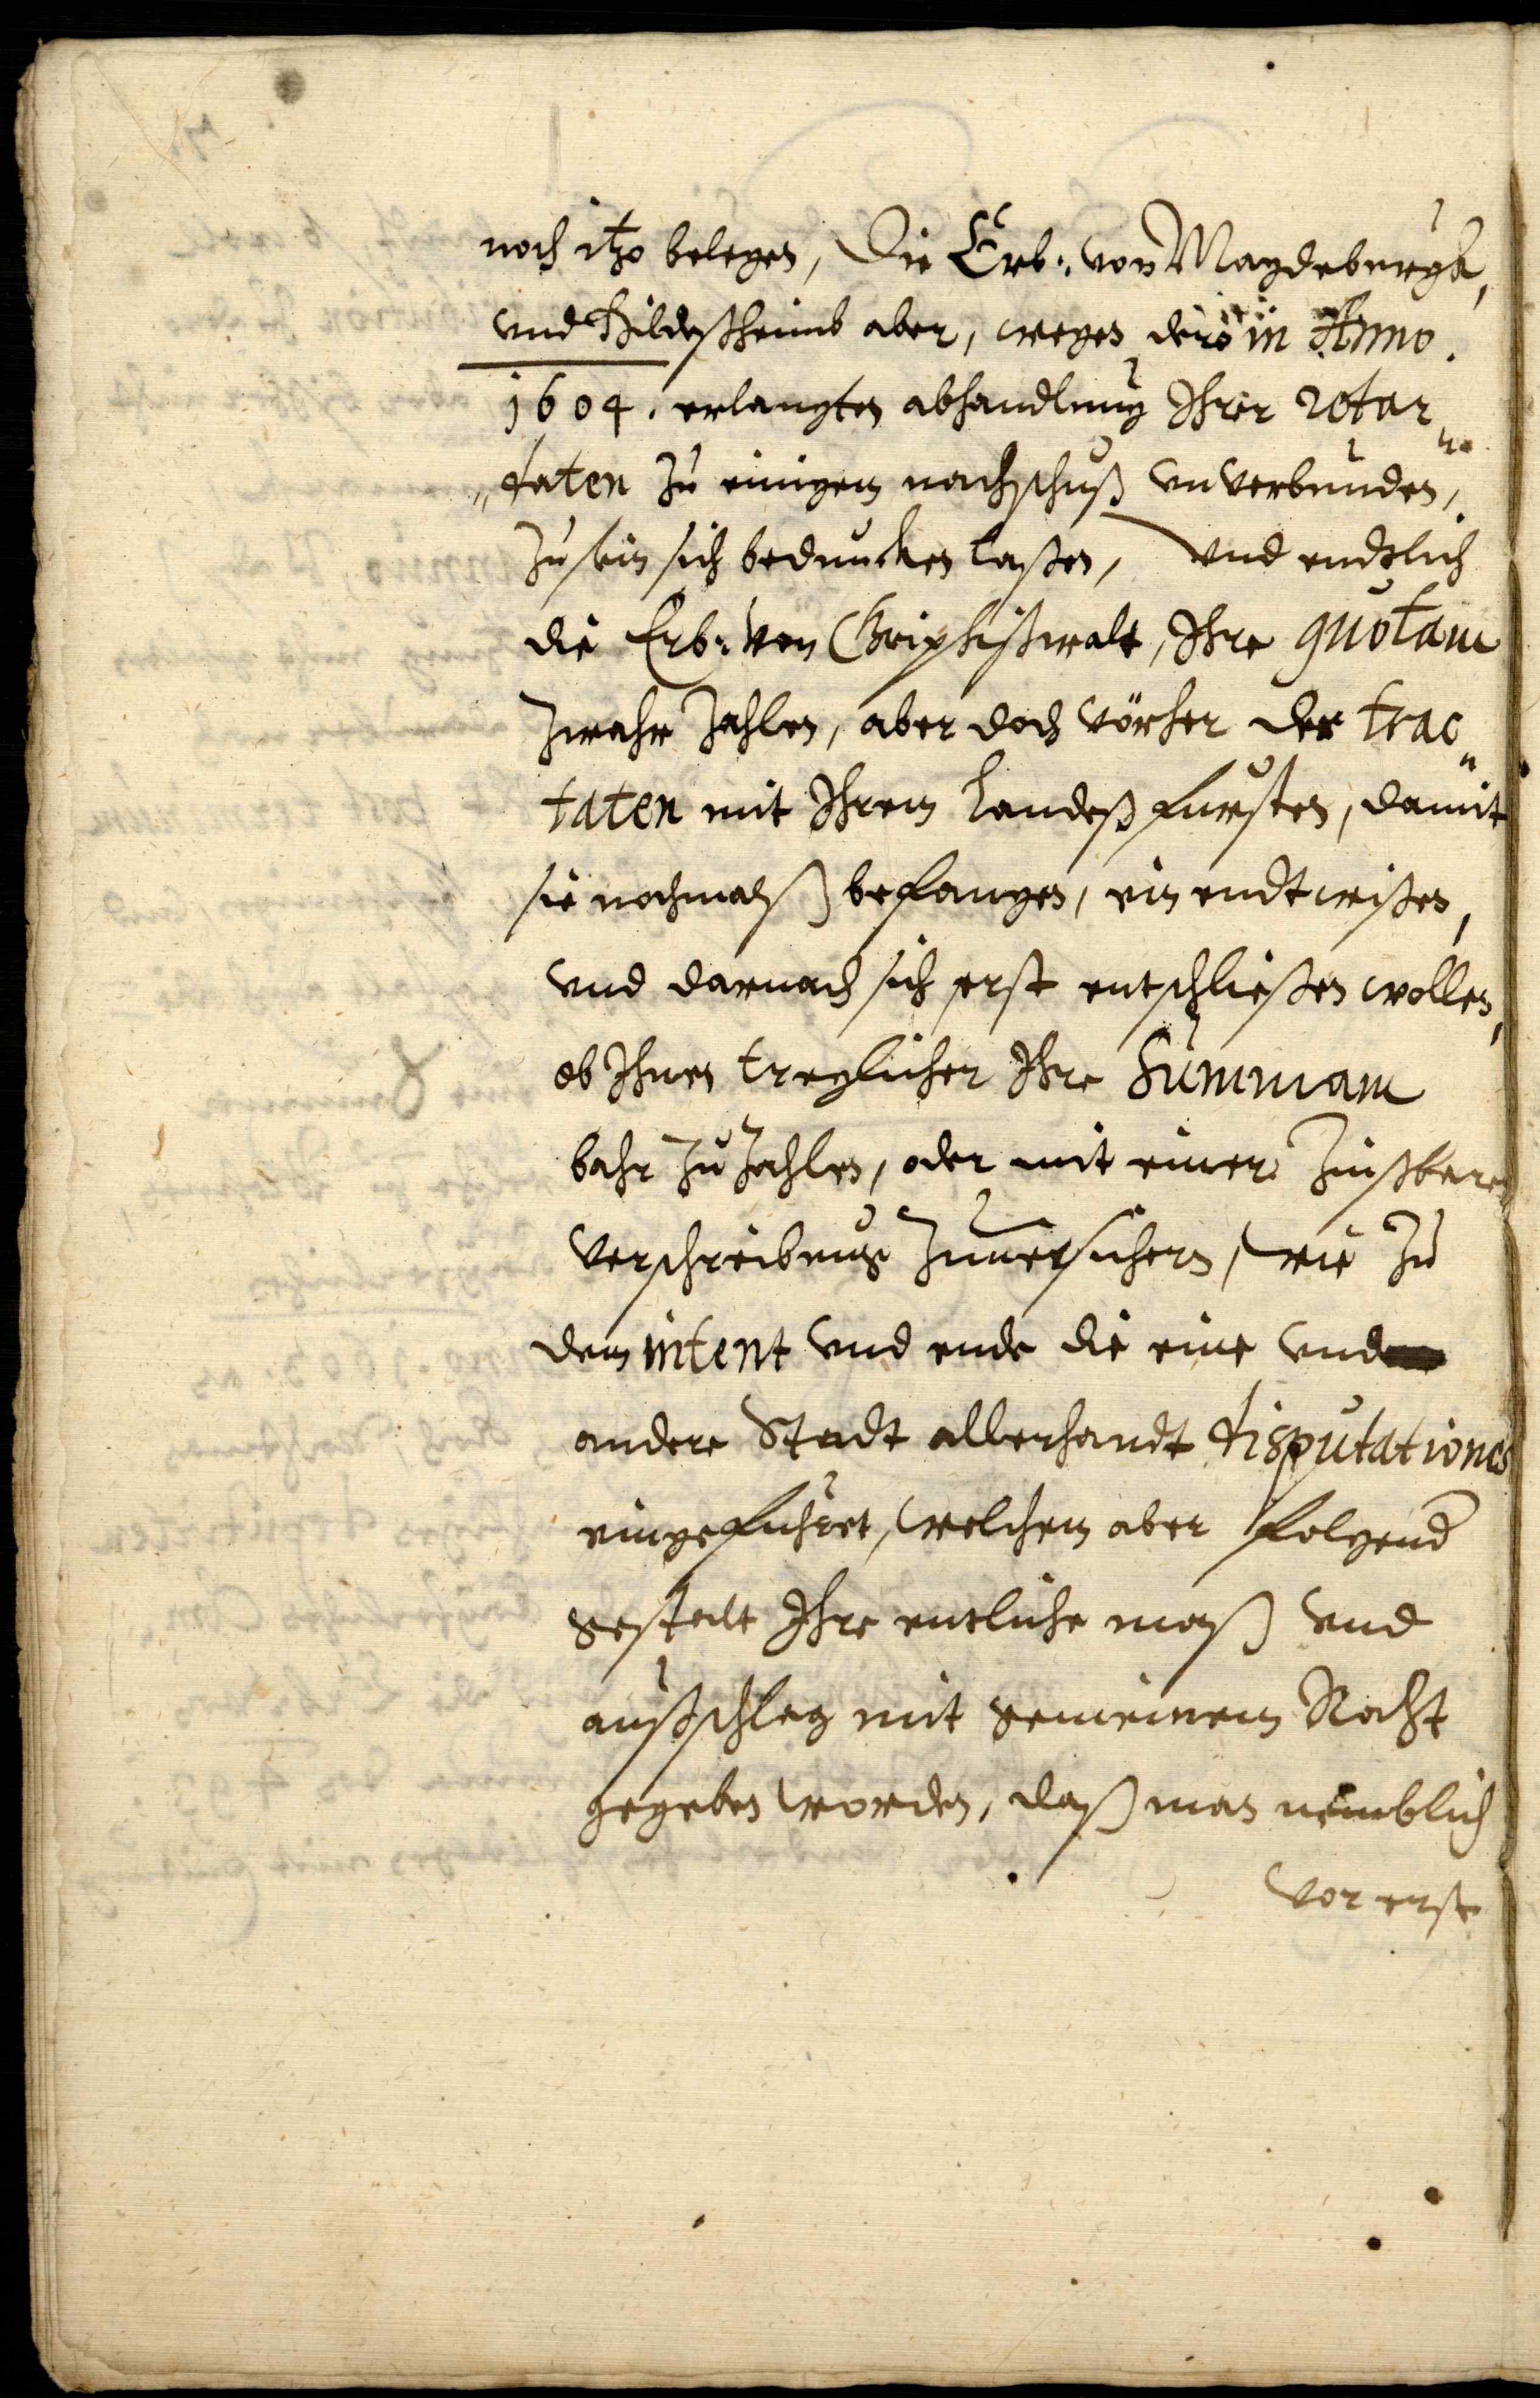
noch itzo belegen, Die Erb: von Magdeburgk,
vnd Hildeßheimb aber, wegen dero in Anno .
1604. erlangten abhandlung Ihrer retar¬
daten zu einigem nachschuß vnverbunden,
zu sein sich beduncken laßen, vnd endtlich
die Erb: von Griphißwalt, Ihre quotam
zwahr zahlen, aber doch vörher der trac¬
taten mit Ihrem Landeßfursten, damit
sie nochmalß befangen, ein endtwißen,
vnd darnach sich erst entschließen wollen,
ob Ihnen treglicher Ihre Summam
bahr zu zahlen, oder mit einer Zinßbaren
verschreibung zuuersichern, wie zu
dem intent vnd ende die eine vndtt
andere Stadt allerhandt disputationes
eingefuhret, welchen aber folgender
gestalt Ihre entliche maß vnd
außschlag mit gemeinem Raht
gegeben worden, daß man nemblich
vor erst
